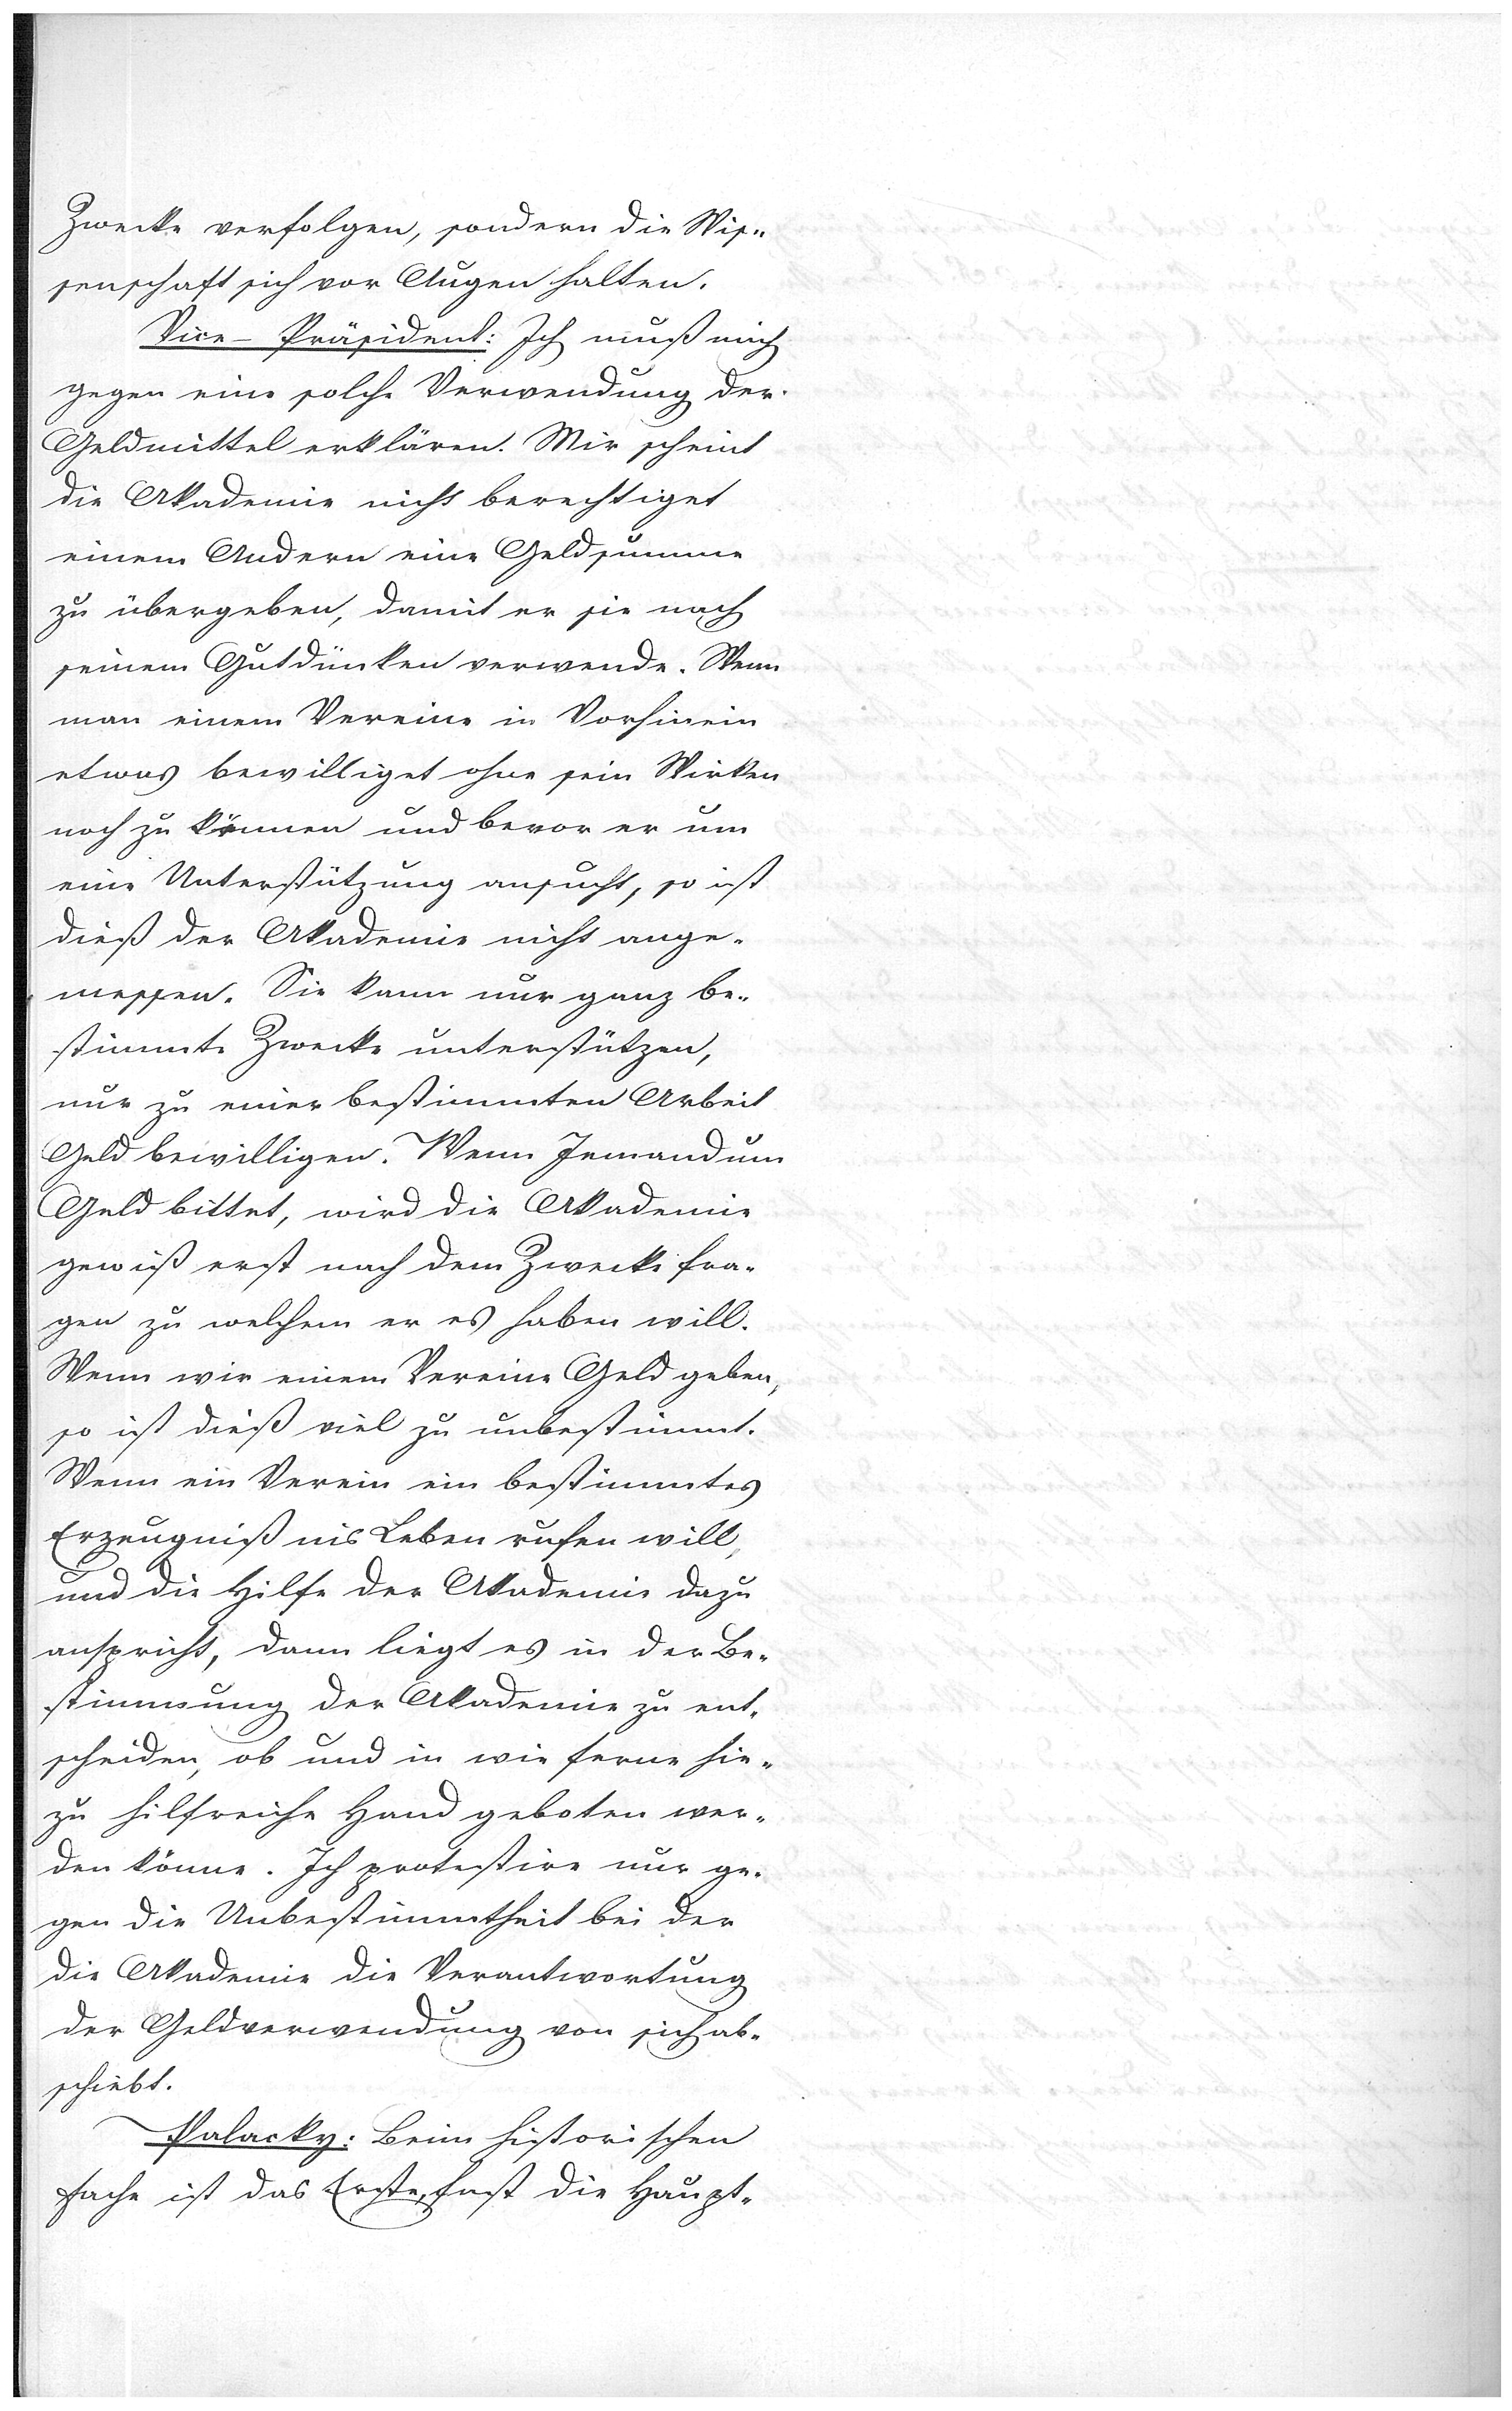Zwecke verfolgen, sondern die Wis-
senschaft sich vor Augen halten.
Vice-Präsident: Ich muß mich
gegen eine solche Verwendung der
Galdmittel erklären. Mir scheint
die Akademie nicht berechtiget
einem Andern eine Geldsumme
zu übergeben, damit er sie nach
seinem Gutdünken verwende. Wenn
man einen Vereine in Vorhinein
etwas bewilliget ohne sein Wirken
nach zu kennen und bevor er um
eine Unterstützung ansucht, so ist
dieß der Akademie nicht ange-
messen. Sie kann nur ganz be-
stimmte Zwecke unterstützen,
nur zu einer bestimmten Arbeit
Geld bewilligen. Wenn Jemand um
Geld bittet, wird die Akademie
gewiß erst nach dem Zwecke fra-
gen zu welchem er es haben will.
Wenn wir einem Vereine Geld geben,
so ist dieß viel zu unbestimmt.
Wenn ein Verein ein bestimmtes
Erzeugniß ins Leben ruden will
und die Hilfe der Akademie dazu
anspricht, dann liegt es in der Be-
stimmung der Akademie zu ent-
scheiden, ob und in wie ferne hie-
zu hilfreiche Hand geboten wer-
den könne. Ich protestirt nur ge-
gen die Unbestimmtheit bei der
die Akademie die Verantwortung
der Geldverwendung von sich ab-
schiebt.
Palacky: Beim historischen
Fach ist das Erste, fast die Haupt-